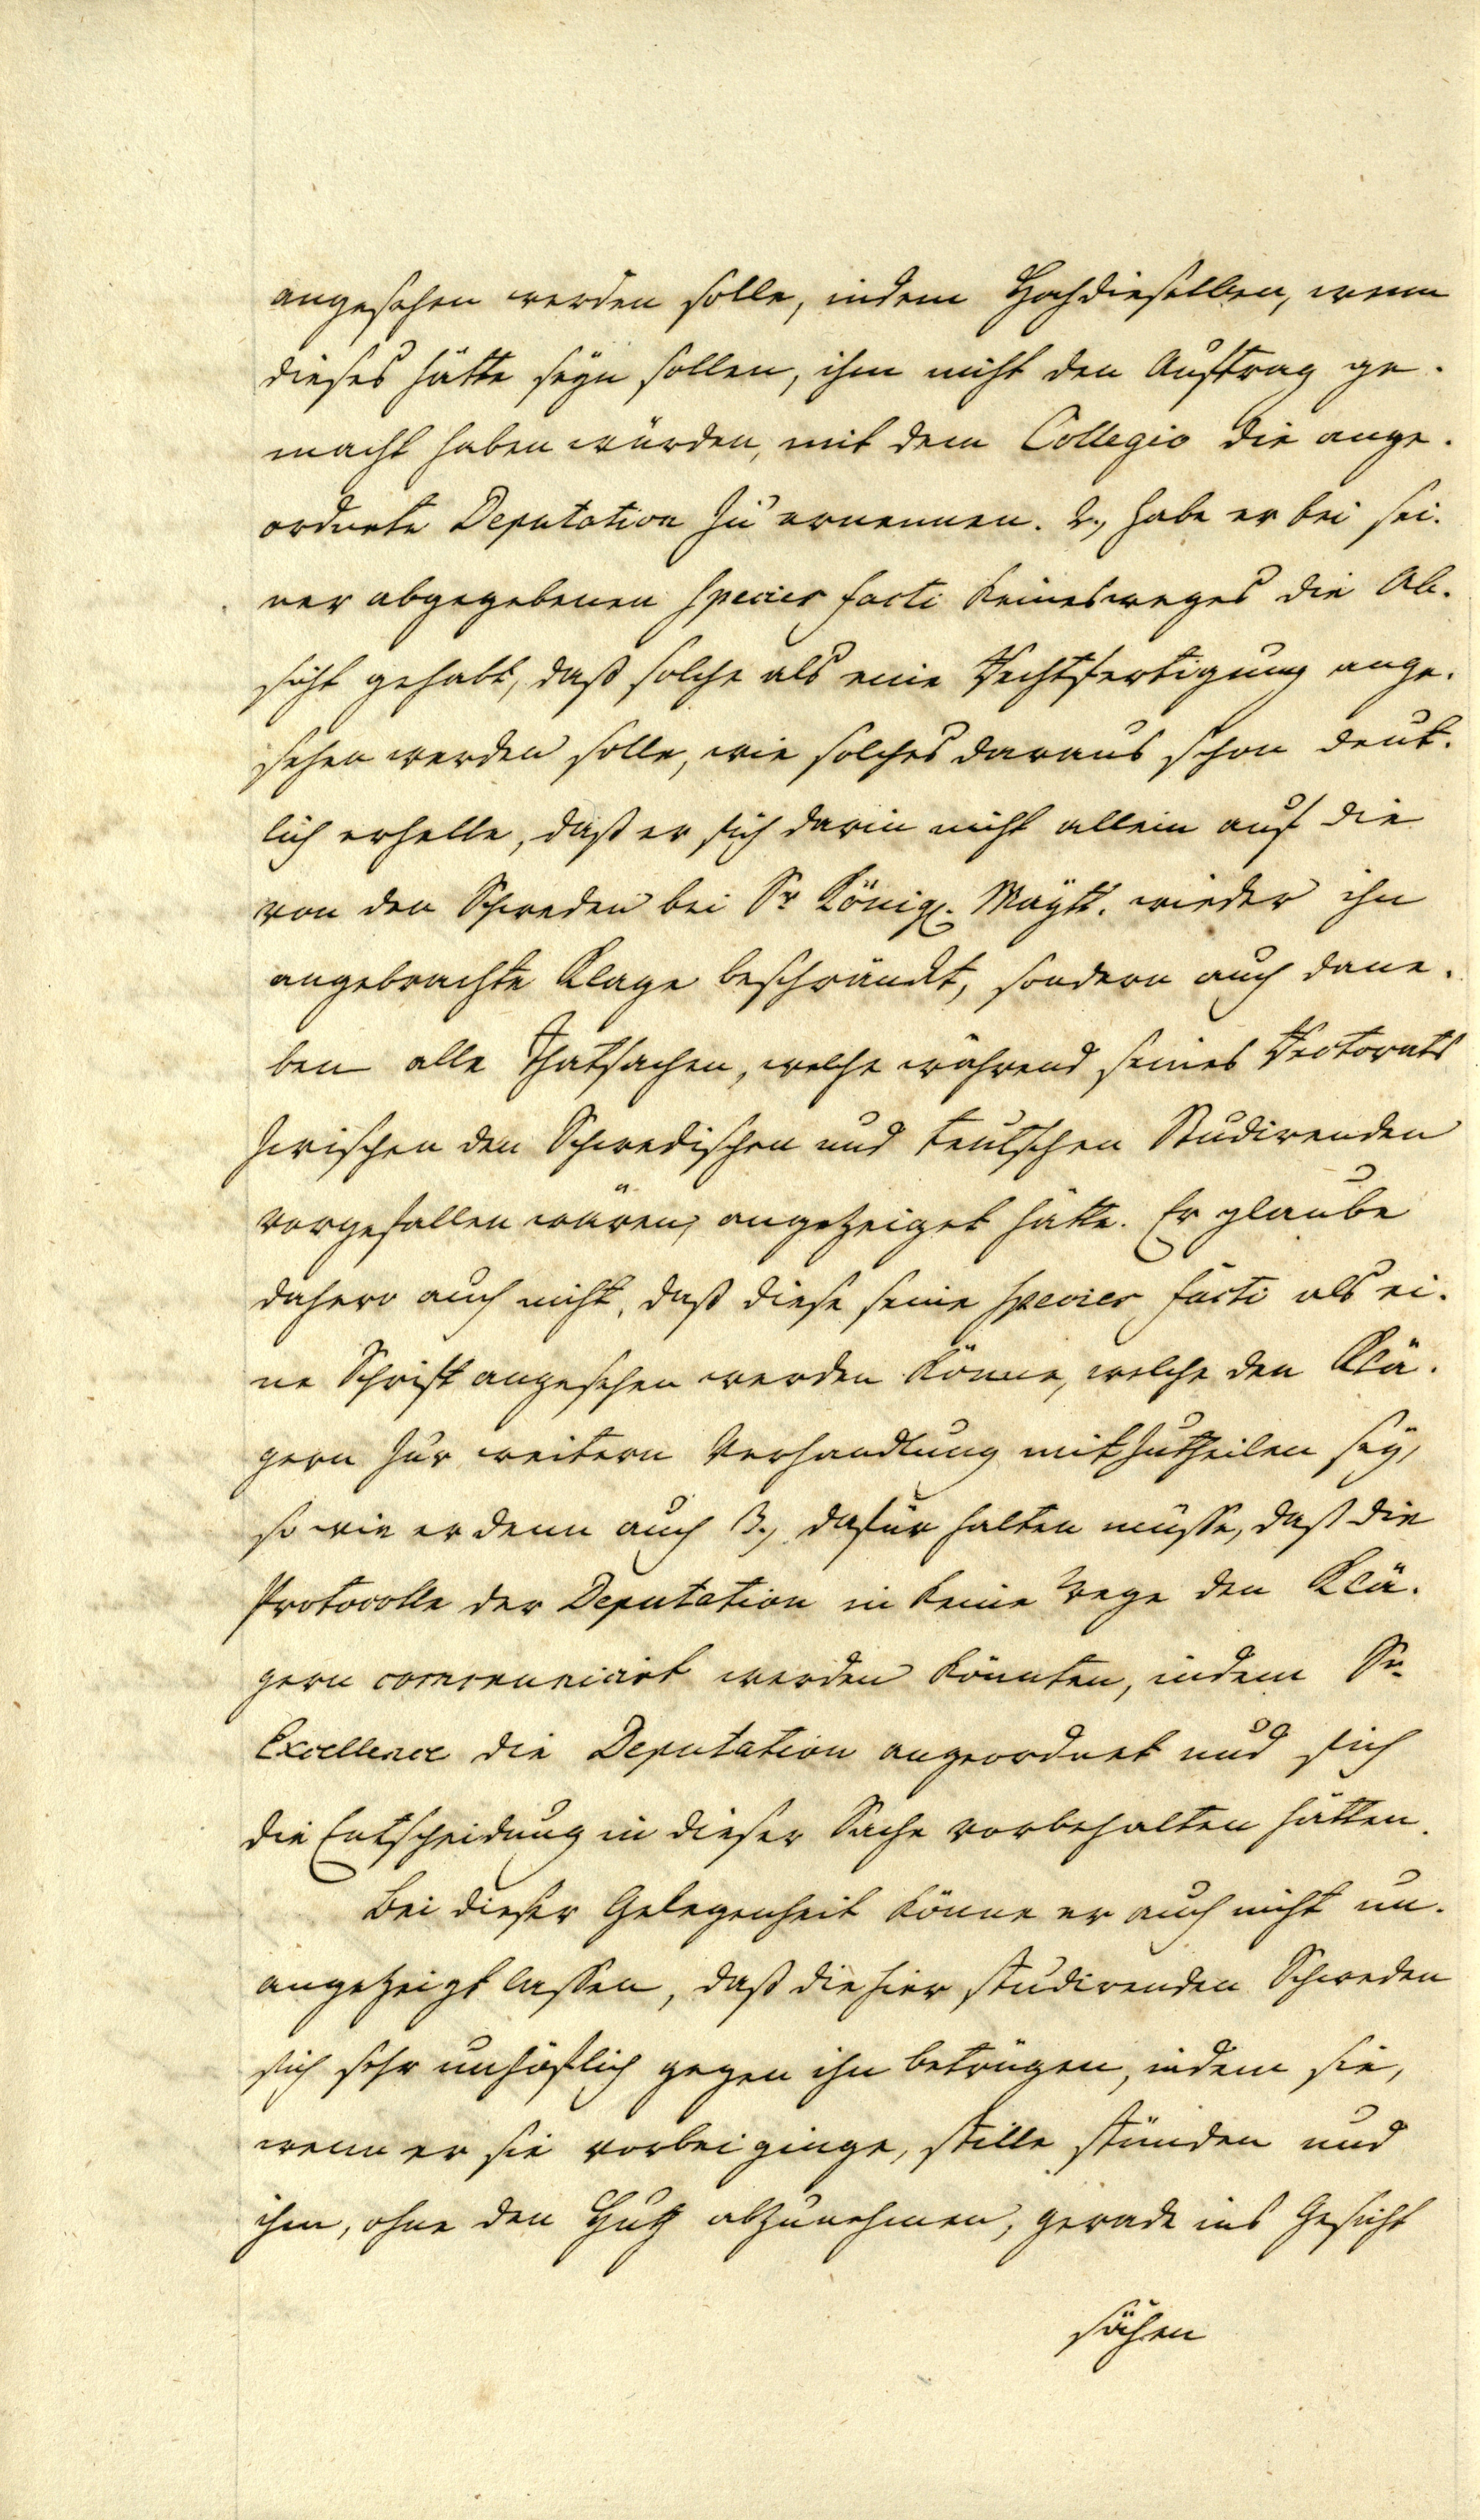angesehen werden solle, indem Hochdieselben, wenn
dieses hätte seÿn sollen, ihm nicht den Auftrag ge
macht haben würden, mit dem Collegio die ange¬
ordnete Deputation zu ernennen. 2, habe er bei sei¬
ner abgegebenen species facti keinesweges die Ab¬
sicht gehabt, daß solche als eine Rechtfertigung ange¬
sehen werden solle, wie solches daraus schon deut¬
lich erhelle, daß er sich darin nicht allein auf die
von den Schweden bei Sr Königl. Maÿtt. wieder ihn
angebrachte Klage beschränckt, sondern auch dane¬
ben alle Thatsachen, welche während seines Rectorats
zwischen den Schwedischen und teutschen Studirenden
vorgefallen wären, angezeiget hätte. Er glaube
dahero auch nicht, daß diese seine species facti als ei¬
ne Schrift angesehen werden könne, welche den Klä¬
gern zur weitern Verhandlung mit zutheilen seÿ,
so wie er denn auch 3., dafür halten müsse, daß die
Protocolle der Deputation in keine Wege den Klä¬
gern communicirt werden könnten, indem Sr
Excellence die Deputation angeordnet und sich
die Entscheidung in dieser Sache vorbehalten hätten.
Bei dieser Gelegenheit könne er auch nicht un¬
angezeigt lassen, daß die hier studirenden Schweden
sich sehr unhöflich gegen ihn betrügen, indem sie,
wenn er sie vorbei ginge, stille stünden und
ihm, ohne den Huth abzunehmen, gerade ins Gesicht
sähen